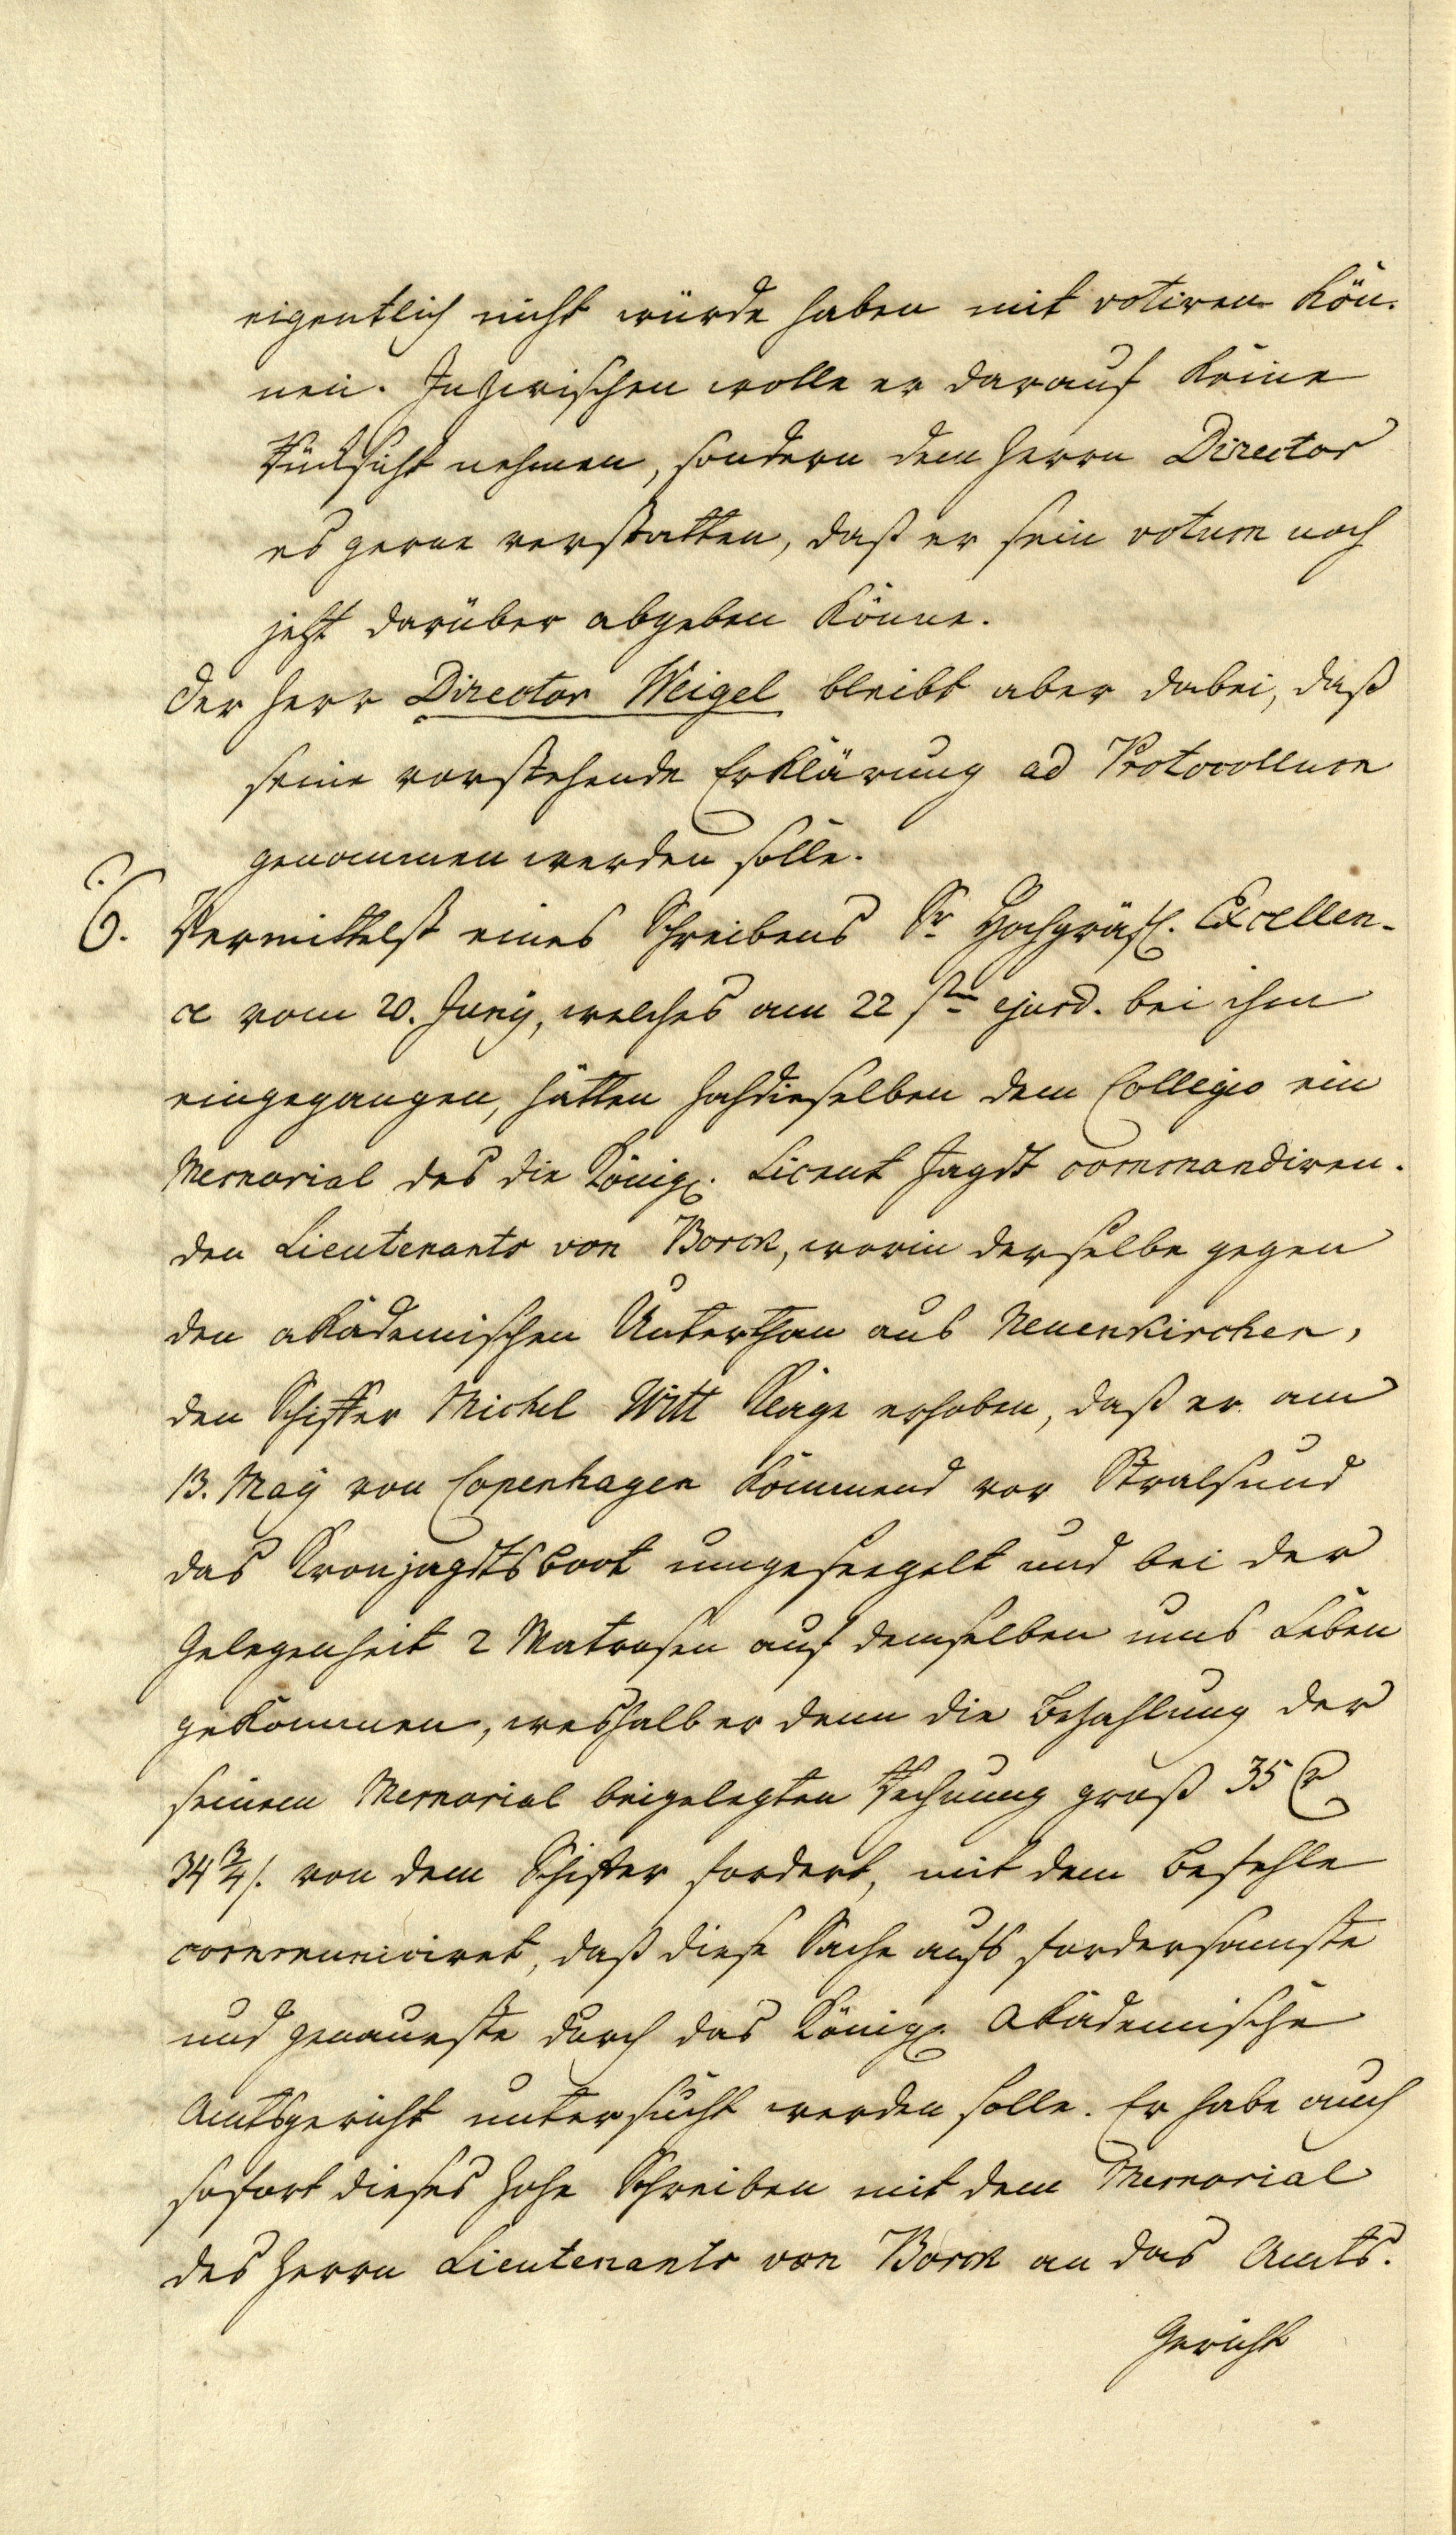eigentlich nicht würde haben mit votiren kön-
nen. Inzwischen wolle er darauf keine
Rücksicht nehmen, sondern dem Herrn Director
es gerne verstatten, daß er sein votum noch
jetzt darüber abgeben könne.
Der Herr Director Weigel bleibt aber dabei, daß
seine vorstehende Erklärung ad Protocollum
genommen werden solle
6. Vermittelst eines Schreibens Sr. hochgräfl. Excellen-
ce vom 20. Juny, welches am 22sten ejusd. bei ihm
eingegangen, hätten hochdieselben dem Collegio ein
Memorial des die Königl. Licent Jagdt comandiren-
den Lieutenants von Borck, worin derselbe gegen
den akademischen Unterthan aus Neuenkirchen,
den Schiffer Michel Witt Klage erhoben, daß er am
13. May von Copenhagen kommend vor Stralsund
das Kronjagdtsboot umgeseegelt und bei der
Gelegenheit 2 Matrosen auf demselben ums Leben
gekommen, weshalb er denn die Bezahlung der
seinem Memorial beigelegten Rechnung groß 35 rtl
34 3/4 S. von dem Schiffer fordert, mit dem Befehle
communiciret, daß diese Sache aufs fordersamste
und genaueste durch das Königl. Akademische
Amtsgericht untersucht werden solle. Er habe auch
sofort dieses hohe Schreiben mit dem Memorial
des Herrn Lieutenenats von Borck an das Amts
Gericht